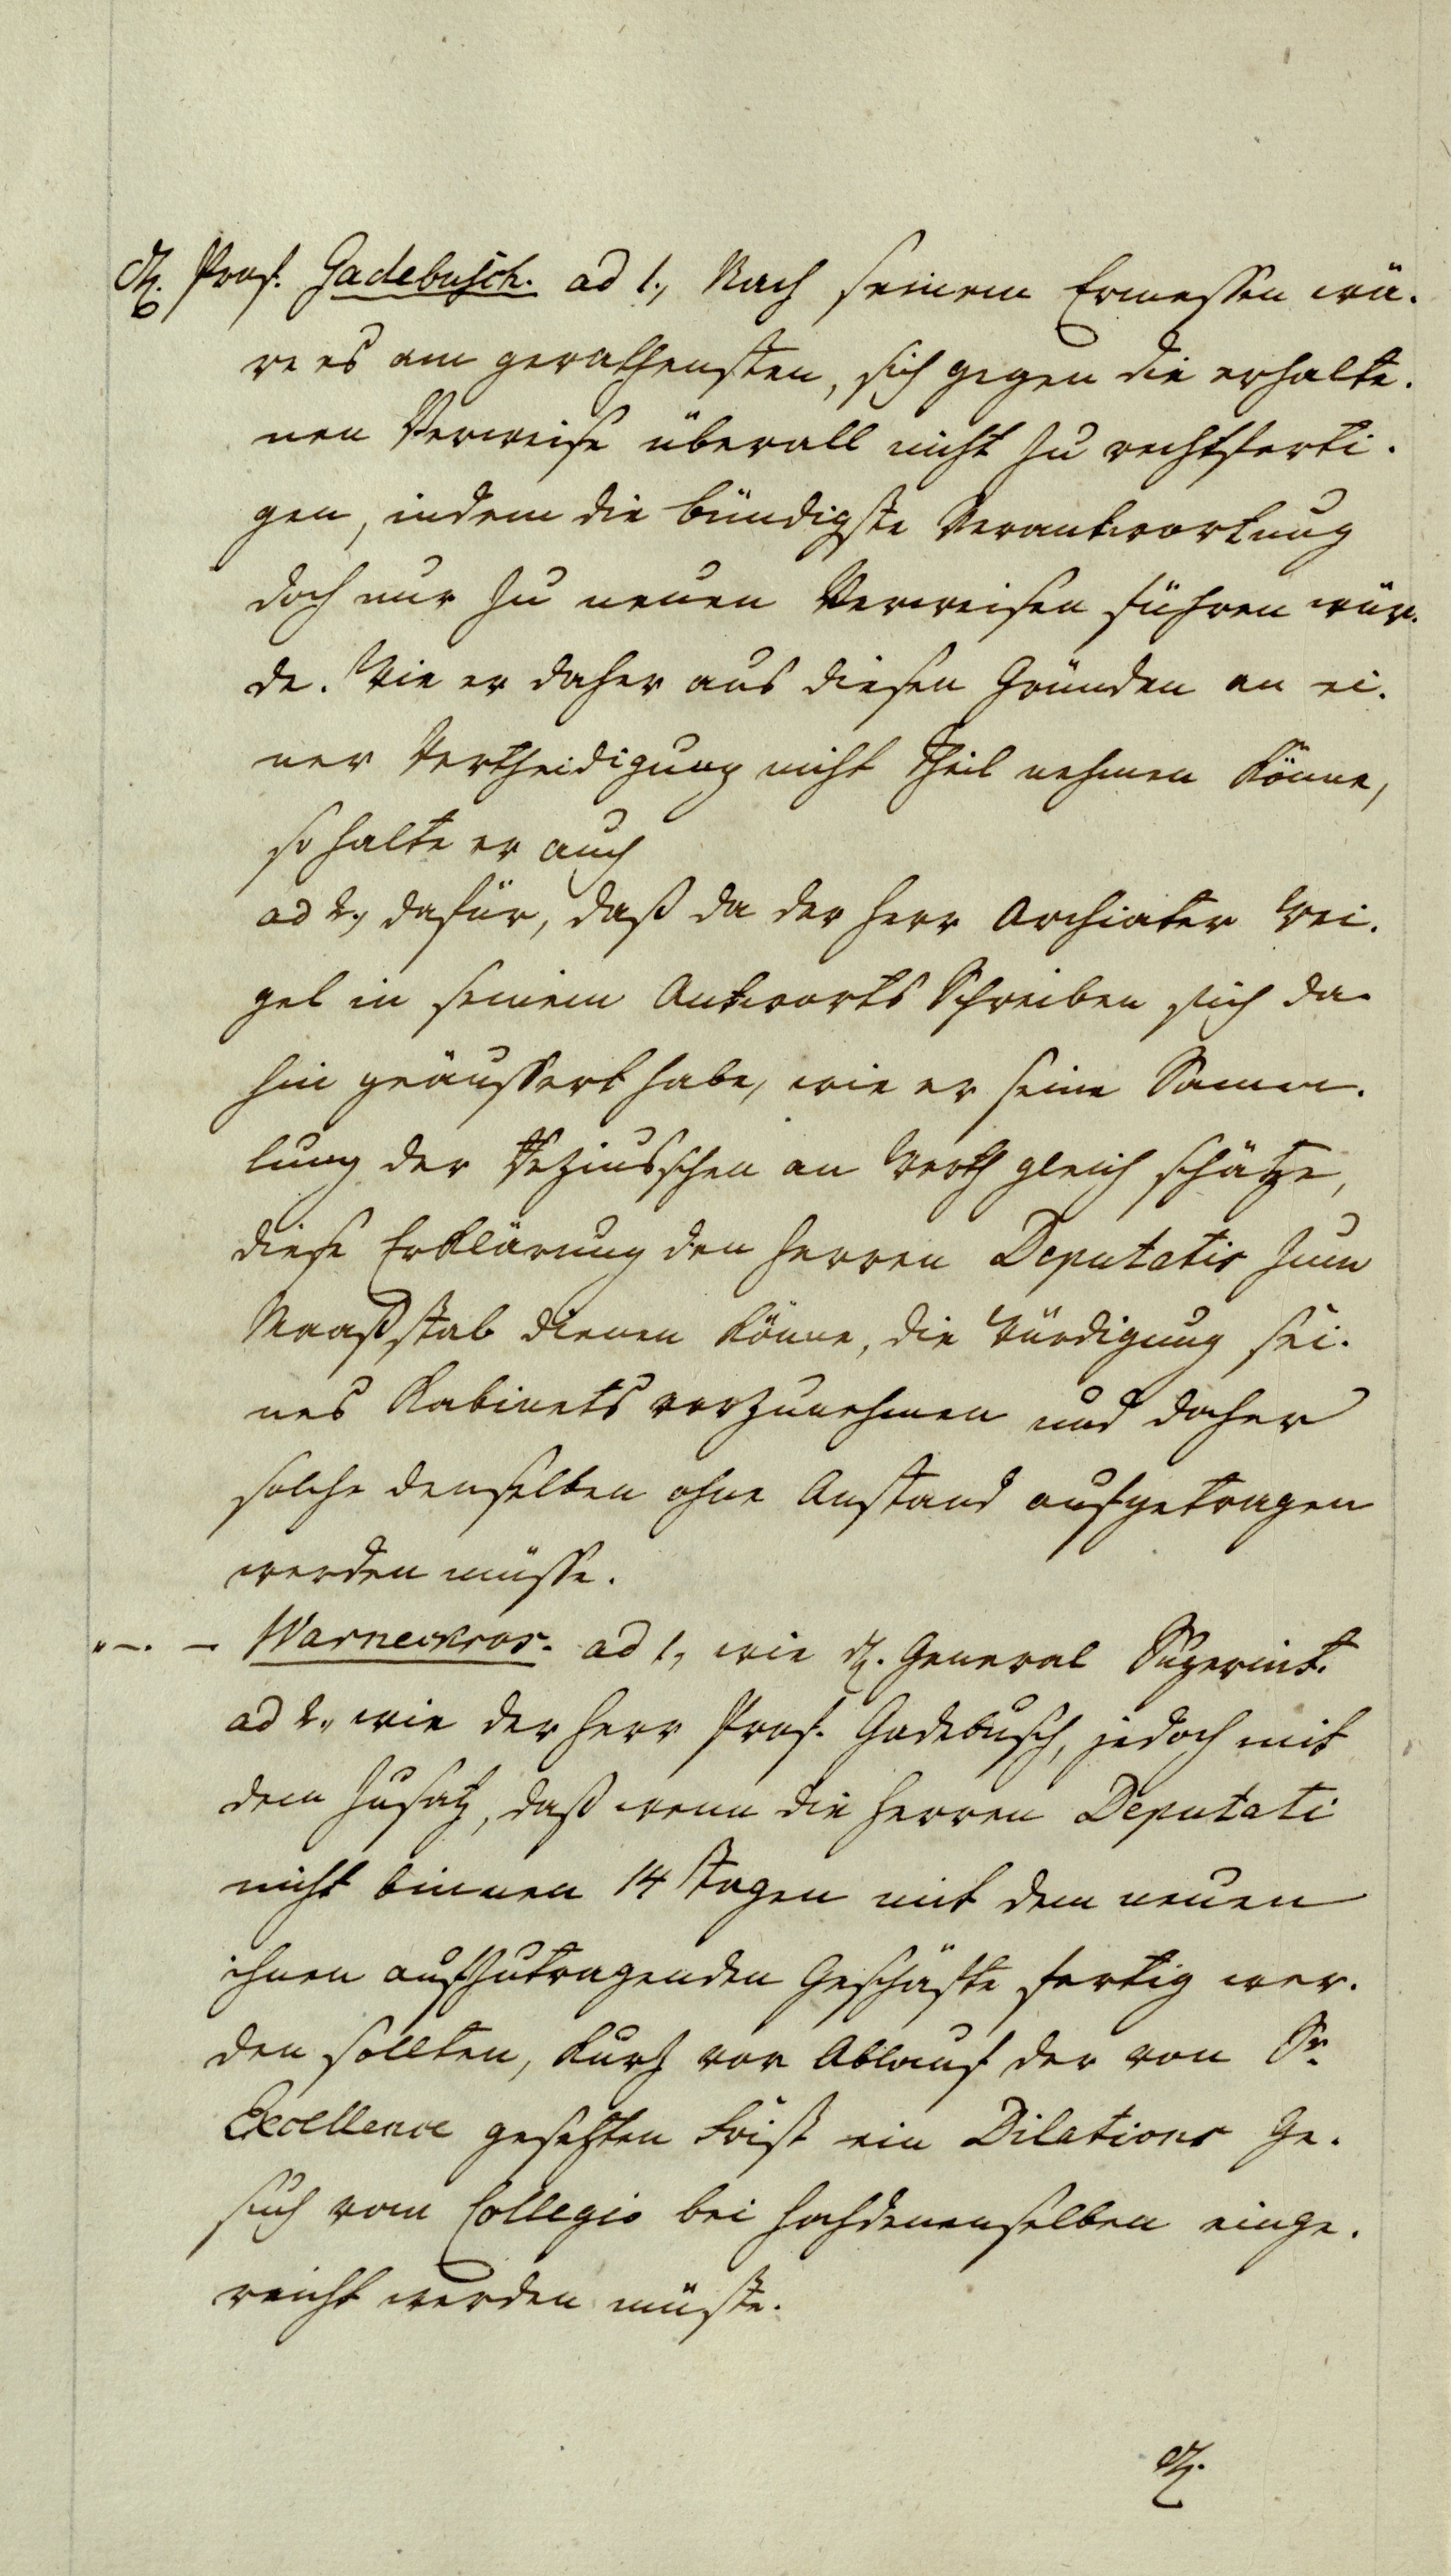dh. Prof. Gadebusch. ad 1., Nach seinem Ermessen wä¬
re es am gerathensten, sich gegen die erhalte¬
nen Verweise überall nicht zu rechtferti¬
gen, indem die bündigste Verantwortung
doch nur zu neuen Verweisen führen wür¬
de. Wie er daher aus diesen Gründen an ei¬
er Vertheidigung nicht Theil nehmen könne,
so halte er auch
ad 2., dafür, daß da der Herr Archiater Wei¬
gel in seinem Antworts Schreiben sich da¬
hin geäussert habe, wie er seine Samm¬
lung der Reziusschen an Werth gleich schätze,
diese Erklärung den Herren Deputatis zum
Maaßstab dienen könne, die Wardigung sei¬
nes Kabinets vorzunehmen und daher
solche denselben ohne Anstand aufgetragen
werden müsse.
Warneckros. ad 1., wie dh. General Superint.
ad 2., wie der Herr Prof. Gadebusch, jedoch mit
dem Zusatz, daß wenn die Herren Deputati
nicht binnen 14 Tagen mit dem neuen
ihnen aufzutragenden Geschäfte fertig wer¬
den sollten, kurz vor Ablauf der vom Sr.
Excellence gesetzten Frist ein Dilations Ge¬
such vom Collegio bei Hochdenenselben einge¬
reicht werden müßte.
dh.